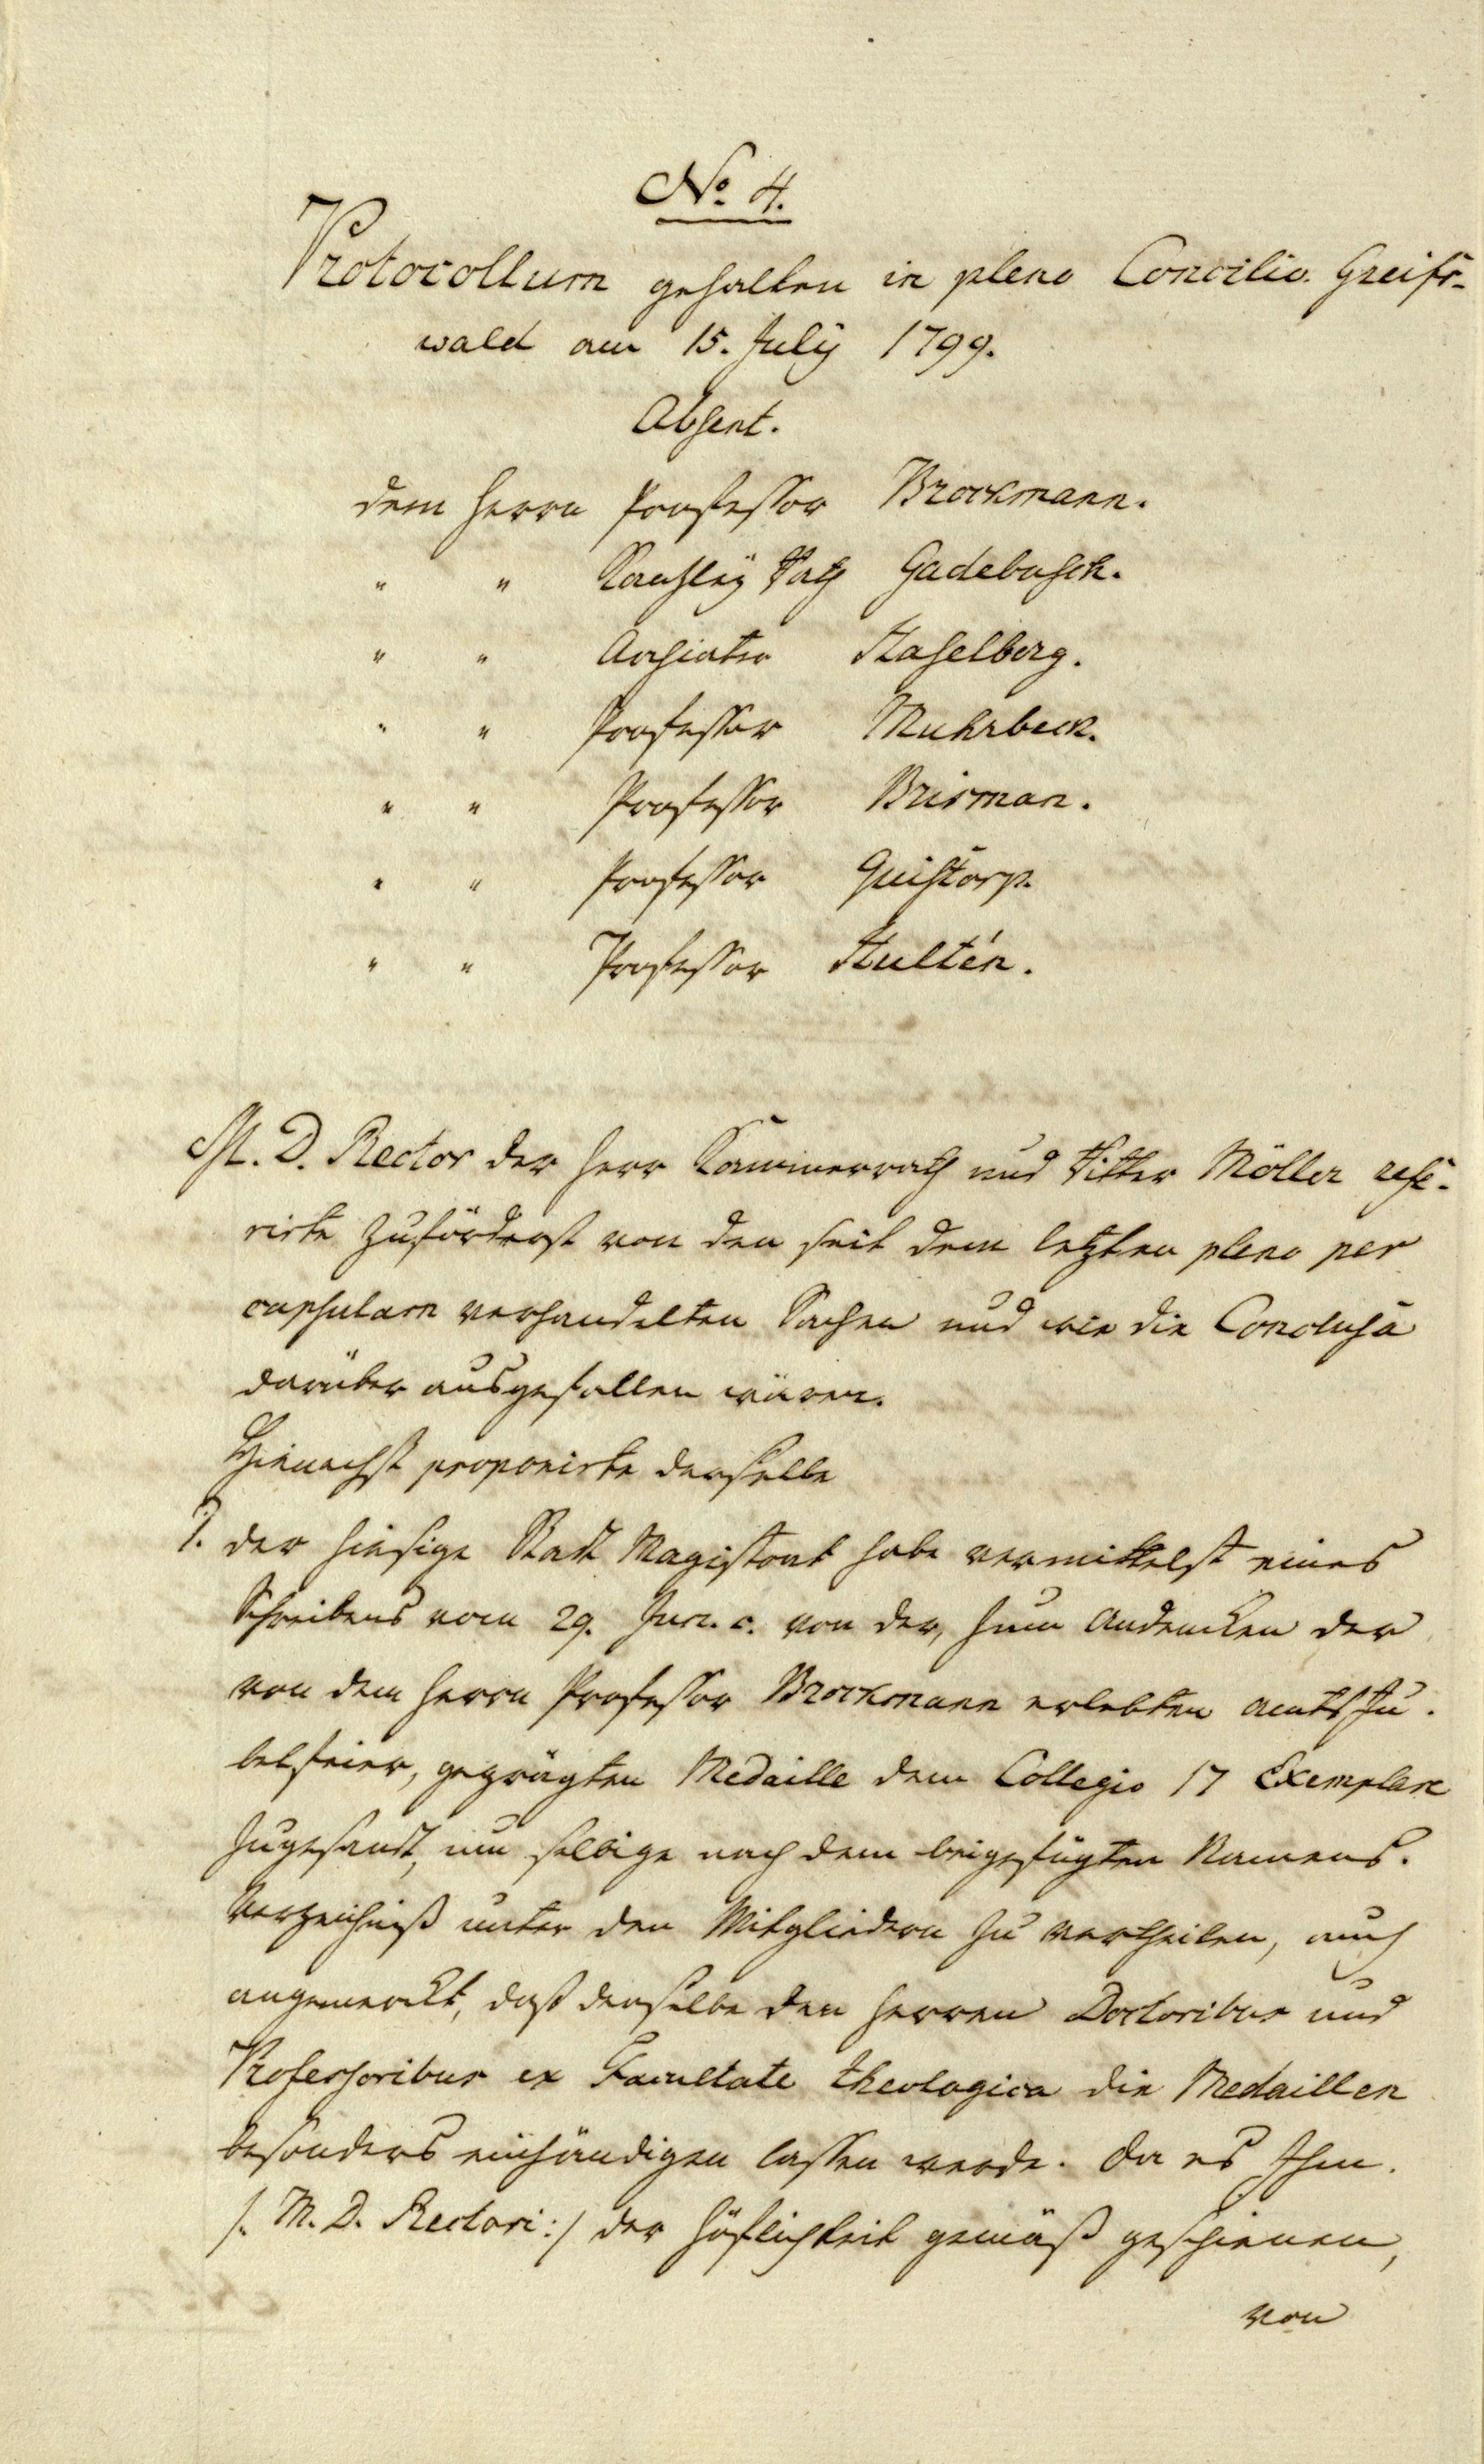Nº 4.
Protocollum gehalten in pleno Concilio Greifs¬
wald am 15. Julÿ 1799.
Absent
dem herrn Professor Brockmann.
Kanzleÿ Rath Gadebusch.
Archiater Haselberg.
Professor Muhrbeck.
Professor Brisman.
Professor Quistorp.
Professor Hultèn.
M. D. Rector der herr Kammerrath und Ritter Möller refe¬
riete zuförderst von den seit dem letzten pleno per
capsulam verhandelten Sachen und wie die Conclusa
darüber ausgefallen wären.
Hienechst proponirte derselbe
1. der hiesige Stadt Magistrat habe vermittelst eines
Schreibens vom 29. Jun. c. von der, zum Andencken der
von dem herrn Professor Brockmann erlebten AmtsJu¬
belfeier, geprägten Medaille dem Collegio 17 Exemplare
zugesandt, um selbige nach dem beigefügten Namens¬
Verzeichniß unter den Mitgliedern zu vertheilen, auch
angemerckt, daß derselbe den herren Doctribus und
Professoribus ex Facultate theologica die Medaillen
besonders einhändigen lassen werde. Da es Ihm
/ M. D. Rectori / der höflichkeit gemäß geschienen
von